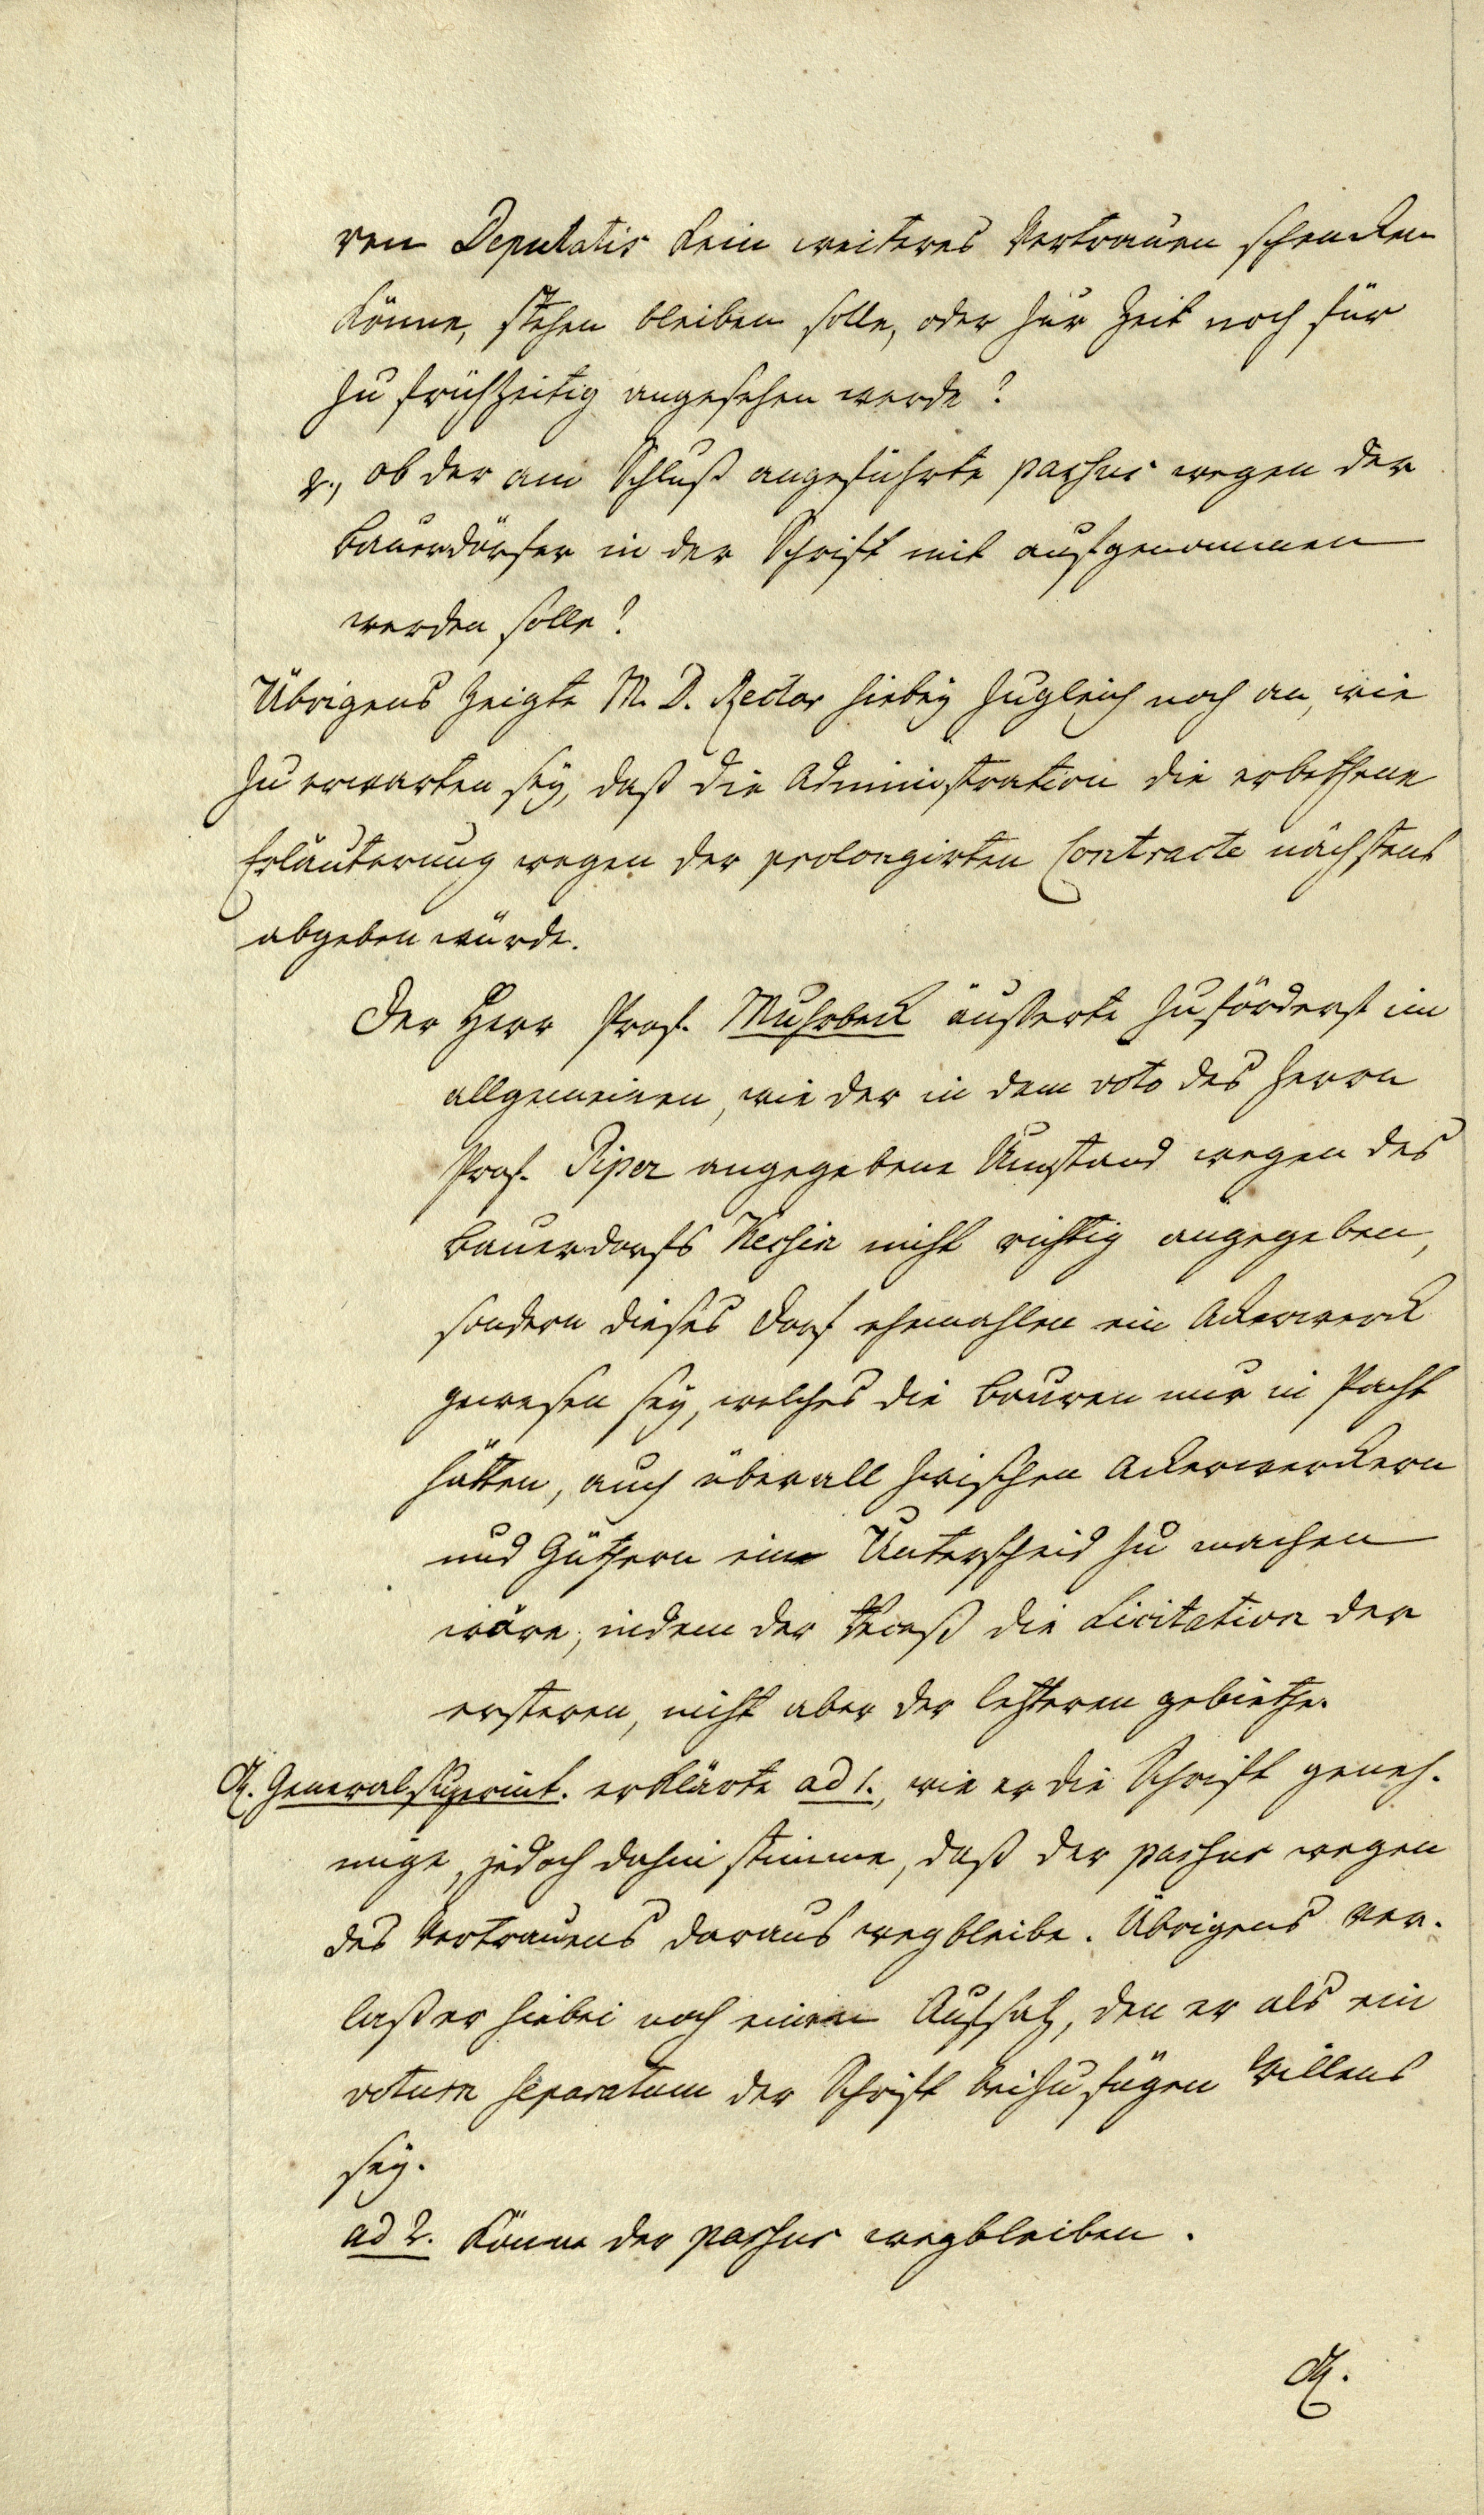ren Deputatis kein weiteres Vertrauen schencken
könne, stehen bleiben solle, oder zur Zeit noch für
zu frühzeitig angesehen werde?
2, ob der am Schluß angeführte passus wegen der
Bauerdörfer in der Schrift mit aufgenommen
werden solle?
Übrigens zeigte M. D. Rector hiebei zugleich noch an, wie
zu erwarten seÿ, daß die Administration die erbethene
Erläuterung wegen der prolongirten Contracte nächstens
abgeben würde.
Der Herr Prof. Muhrbeck äusserte zuförderst im
allgemeinen, wie der in dem voto des Herrn
Prof. Piper angegebene Umstand wegen des
Bauerdorfs Kessin nicht richtig angegeben,
sondern dieses Dorf ehemahlen ein Ackerwerck
gewesen seÿ, welches die Bauren nur in Pacht
hätten, auch überall zwischen Ackerwerckern
und Gütern ein Unterscheid zu machen
wäre, indem der Receß die Licitation der
ersteren, nicht aber der letzteren gebiethe.
dh. Generalsuperint. erklärte ad 1., wie er die Schrift geneh¬
mige, jedoch dahin stimme, daß der passus wegen
des Vertrauens daraus weg bleibe. Übrigens ver¬
laß er hiebei noch einen Aufsatz, den er als ein
votum separatum der Schrift beizufügen Willens
sei.
ad 2. könne der passus wegbleiben.
dh.